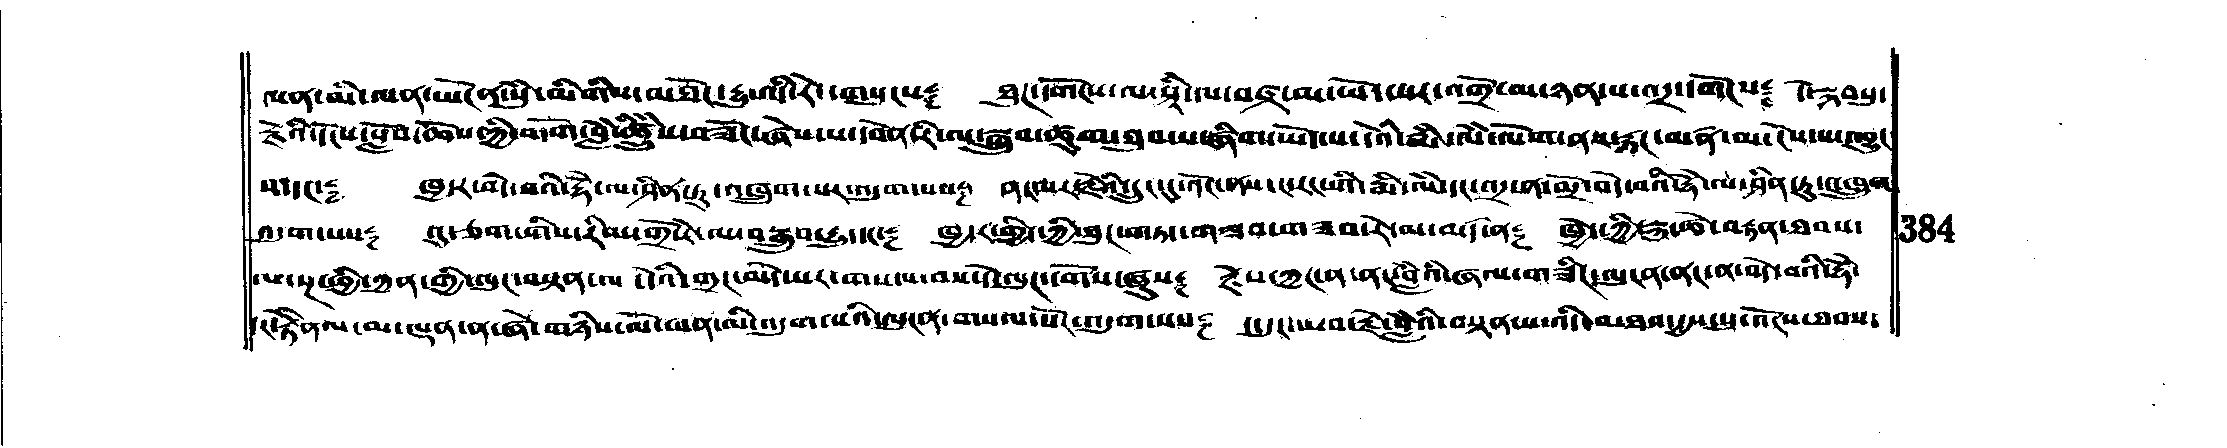ལན་མི་ལན་མངོན་སུམ་མིག་གིས་མཐོང་རྒྱུ་འདི་རེད་གསུངས། ཐུགས་དགོངས་ལ་ཤཱི་ལ་བཛྲ་མ་ཡོད་སར་འགྲོ་མི་ཉན་པ་འདྲ་དགོངས། དེ་སྐབས་སུ་
རྗེའི་དངོས་སློབ་ཆོས་ཀྱི་བདག་པོ་བླ་མ་ཚུལ་ཁྲིམས་བཟང་པོ་ཞེས་པ་དབེན་རི་ལ་སྒྲུབ་ཚུགས་ཐུབ་པ་ཞིག་ཡོད་པ་དེའི་རྨི་ལམ་ལོག་ནས་རྟགས་མཚན་མ་ངེས་པ་བྱུང་
བ་དང་། ཁྱད་པར་བདེ་བའི་རྡོ་རྗེ་ལ་ཤིན་ཏུ་འཁྲུག་པར་འདུག་པས། ནང་པར་རྗེའི་དྲུང་དུ་འོང་ནས་ང་རང་གི་རྨི་ལམ་དང་འདྲ་ན་མཁའ་འགྲོ་བདེ་བའི་རྡོ་རྗེ་ལ་ཤིན་ཏུ་འཁྲུག་
འདུག་པས། འུ་ཅག་གིས་རིམ་གྲོ་རེ་ལ་བསྒྲུབ་རྒྱུ་དང་། ཁྱད་པར་ཁྱེད་ཀྱི་ཐུགས་གཏད་གཟབ་གཟབ་རེ་མ་མཛད་ན། ཁྱེད་ཀྱི་སྐུ་ཚེ་བརྟན་ཐབས་
ལ་སྔ་ཕྱི་ཀུན་གྱི་ལུང་བསྟན་ལ་དེའི་གྲངས་༼དྲག་?༽མེད་པར་གསལ་བས་དེ་ལུགས་དགོས་ཞུས། རྗེས་ཀྱང་ན་ནང་བླ་མའི་ཞལ་གཟིགས་ལུང་བསྟན་ནང་ན་བདེ་བའི་རྡོ་རྗེ་
དང་རྟེན་འབྲེལ་མ་ལྡན་ན་ཞེ་གཉིས་ལོ་ཕན་མི་འདུག་པའི་ལུང་བསྟན་གསལ་པོར་འདུག་པས། ད་དུང་ཡབ་རྗེ་བླ་མའི་བསྟན་པ་འདི་མཐའ་རྒྱས་སུ་འོང་ཐབས་